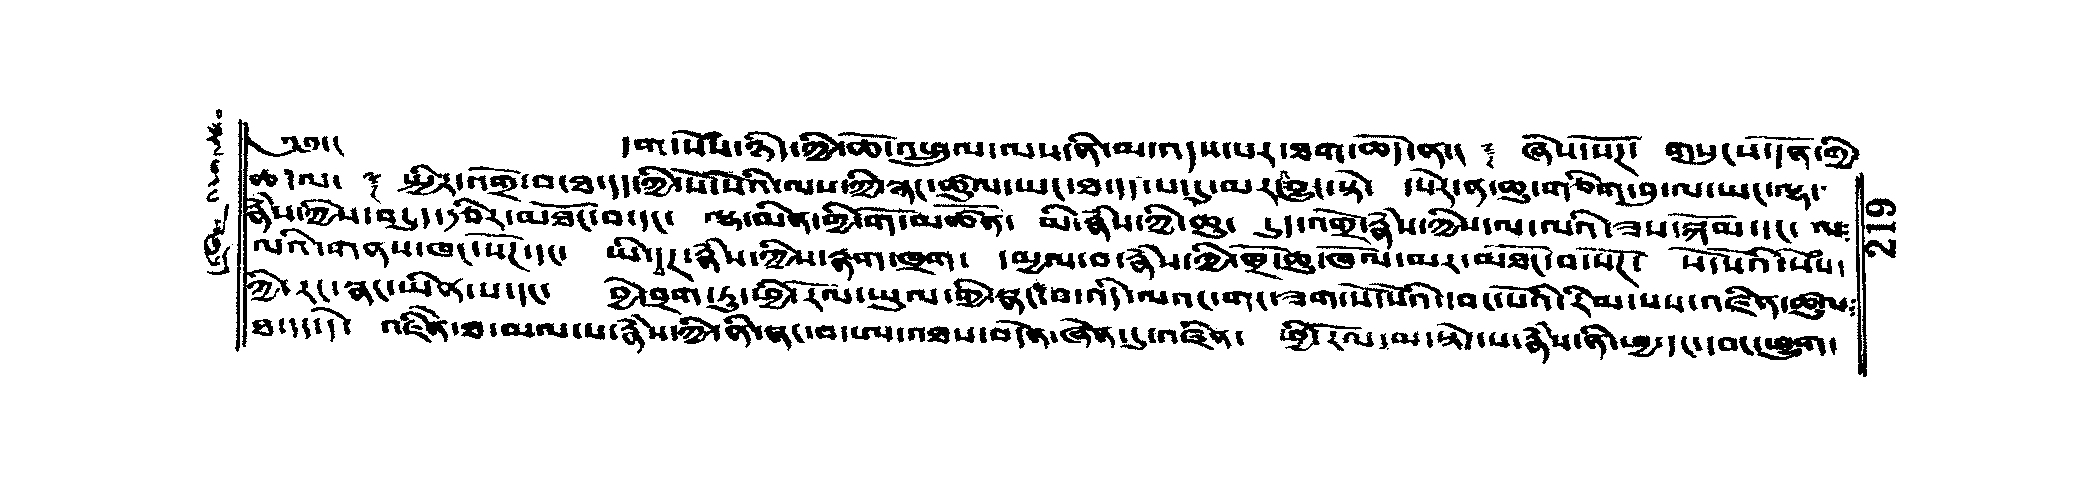དག་སེམས་ཉིད་ཉིད་ཀྱི་ཆོ་འཕྲུལ་ལས་ནི་མ་འདས་པར་ཐག་ཆོད་ན། ཞེས་སོགས་གསུངས་དོན་གྱི་
ཆ་ལ། སྤྱིར་འགྲོ་བ་ཐ་དད་ཀྱི་སོ་སོའི་ལས་ཀྱི་སྣང་ཚུལ་ཡང་ཐ་དད་པ་དུ་མར་འབྱུང་སྟེ། དཔེར་ན་ཆུ་གཅིག་བུ་ལ་ཡང་ལྷ་
རྣམས་ཀྱིས་བདུད་རྩིར་མཐོང་བ་དང་།ལྷ་མིན་གྱི་གོ་མཚོན། མི་རྣམས་ཀྱི་ཆུ། དུད་འགྲོ་རྣམས་ཀྱིས་ལ་ལའི་ཟས་སྐོམ་དང་། ལ་
ལའི་གནས་ཁང་སོགས་དང་། ཡི་དྭགས་རྣམས་ཀྱི་རྣག་ཁྲག དམྱལ་བ་རྣམས་ཀྱི་ཁྲོ་ཆུ་ཁོལ་མར་མཐོང་བ་སོགས། སོ་སོའི་སེམས་
ཀྱི་རང་སྣང་ཡིན་པ་དང་། བྱེ་བྲག་ཏུ་ཕྱི་རོལ་ཡུལ་གྱི་སྣང་བ་འདི་ལའང་གང་ཟག་སོ་སོའི་དབང་པོའི་རིམ་པས་འཛིན་ཚུལ་
ཐ་དད་དེ། འཇིག་རྟེན་ཐ་མལ་པ་རྣམས་ཀྱི་ནི་སྣང་བ་ཨ་འཐས་བདེན་ཞེན་དུ་འཛིན། ཕྱི་རོལ་མུ་སྟེགས་པ་རྣམས་ནི་ཕྱྭ་དང་དབང་ཕྱུག་